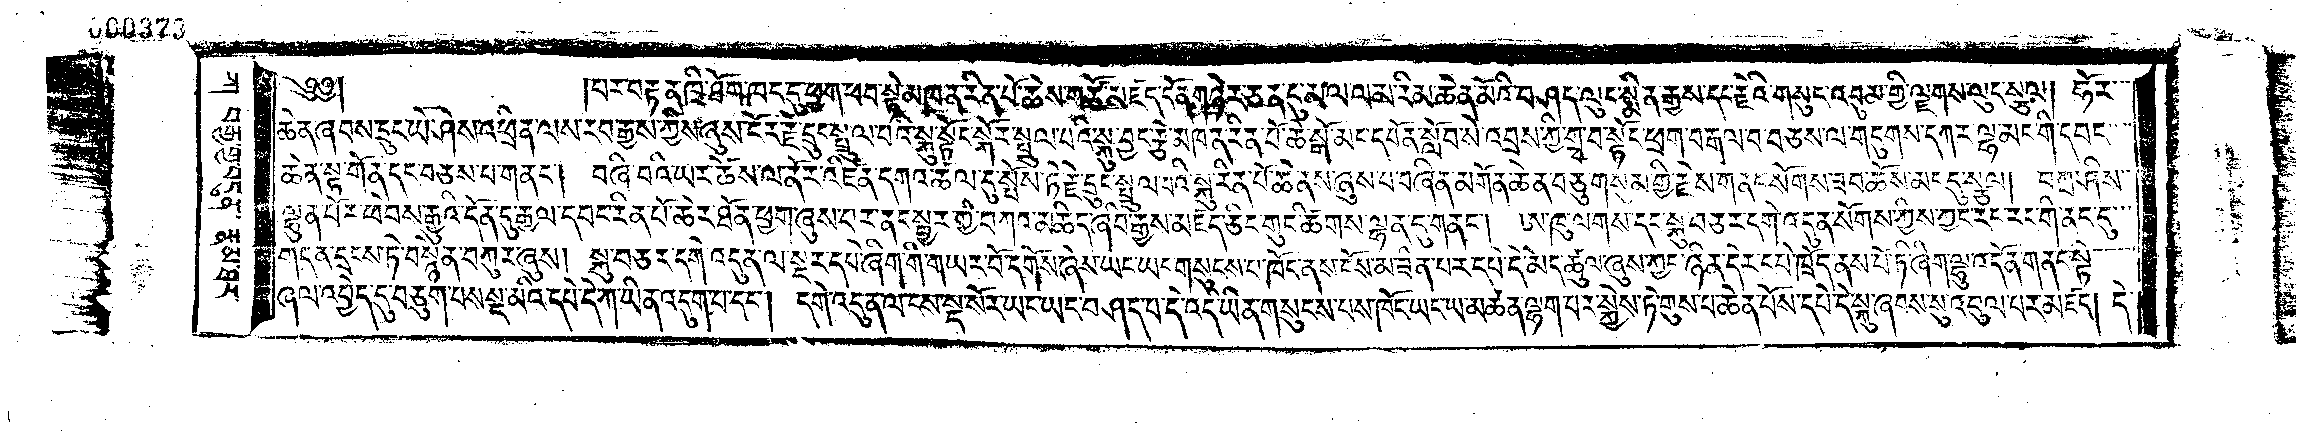༄༅། །པར་བརྟེན་ཁྲི་ཐོག་ཁང་དུ་ཕྱག་ཕབ་སྟེ་མཁན་རིན་པོ་ཆེས་གཙོ་མཛད་དོན་གཉེར་ཅན་དུ་མ་ལ་ལམ་རིམ་ཆེན་མོའི་བཤད་ལུང་སྨིན་རྒྱས་དང་རྗེའི་གསུང་འབུམ་གྱི་ལྗགས་ལུང་སྩལ། ཧོར་
ཆེན་ཞབས་དྲུང་ཡེ་ཤེས་འཕྲིན་ལས་རབ་རྒྱས་ཀྱིས་ཞུས་ངོར་རྗེ་དྲུང་སྤྲུལ་པའི་སྐུ་སྟོང་སྐོར་སྤྲུལ་པའི་སྐུ་བྱང་རྩེ་མཁན་རིན་པོ་ཆེ་སྒོ་མང་དཔོན་སློབ་སེ་འབྲས་ཀྱི་གྲྭ་བ་སྟོང་ཕྲག་བརྒལ་བ་བཅས་ལ་གདུགས་དཀར་ལྷ་མང་གི་དབང་
ཆེན་སྟ་གོན་དང་བཅས་པ་གནང་། བཞི་པའི་ཡར་ཚེས་ལ་ནོར་འཛིན་དགའ་ཚལ་དུ་སྤོས་ཏེ་རྗེ་དྲུང་སྤྲུལ་པའི་སྐུ་རིན་པོ་ཆེ་ནས་ཞུས་པ་བཞིན་མགོན་ཆེན་བཅུ་གསུམ་གྱི་རྗེས་གནང་སོགས་ཟབ་ཆོས་མང་དུ་སྩལ། བཀྲ་ཤིས་
ལྷུན་པོར་ཕེབས་རྒྱུའི་དོན་དུ་རྒྱལ་དབང་རིན་པོ་ཆེར་ཐོན་ཕྱག་ཞུས་པར་ནང་སྦྱར་གྱི་བཀའ་མཆིད་ཞིབ་རྒྱས་མཛད་ཅིང་གུང་ཚིགས་ལྷན་དུ་གནང་། ཨ་ཁུ་ལགས་དང་སྐུ་བཅར་དགེ་འདུན་སོགས་ཀྱིས་ཀྱང་རང་རང་གི་ནང་དུ་
གདན་དྲངས་ཏེ་བསྙེན་བཀུར་ཞུས། སྐུ་བཅར་དགེ་འདུན་ལ་སྔར་དཔེ་ཞིག་གི་གཡར་པོ་དགོས་ཞེས་ཡང་ཡང་གསུངས་པ་ཁོང་ནས་ངོས་མ་ཟིན་པར་དཔེ་དེ་མེད་ཚུལ་ཞུས་ཀྱང་ཉིན་དེར་དཔེ་ཁྲོད་ནས་པོ་ཏི་ཞིག་ལྷུ་འདོན་གནང་སྟེ་
ཞལ་འབྱེད་དུ་བཅུག་པས་སྔ་མའི་དཔེ་དེ་ཀ་ཡིན་འདུག་པ་དང་། དགེ་འདུན་ལ་ངས་སྔ་སོར་ཡང་ཡང་བཤད་པ་དེ་འདི་ཡིན་གསུངས་པས་ཁོང་ཡང་ཡ་མཚན་ལྷག་པར་སྐྱེས་ཏེ་གུས་པ་ཆེན་པོས་དཔེ་དེ་སྐུ་ཞབས་སུ་འབུལ་བར་མཛད། དེ་